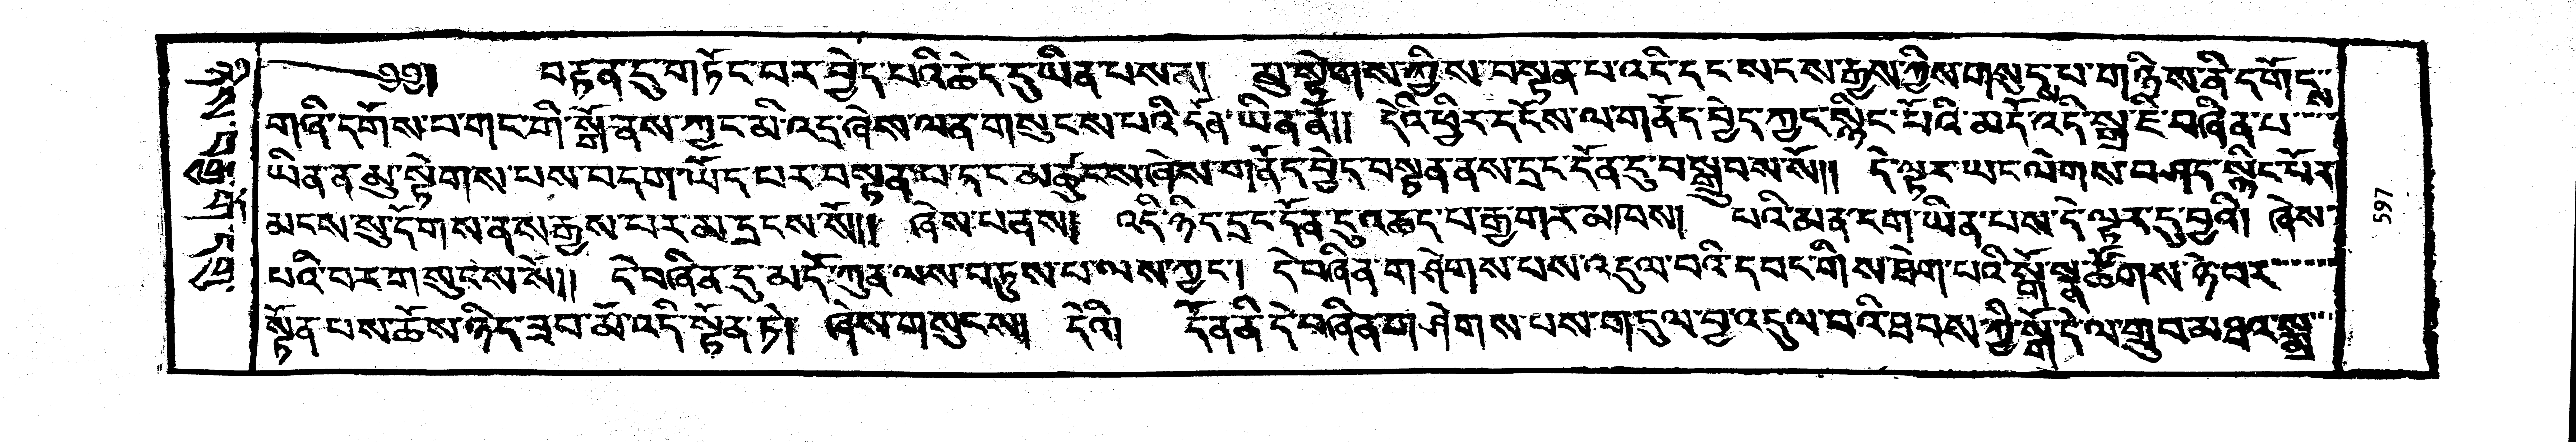༄༅། །བརྟན་དུ་གཏོང་བར་བྱེད་པའི་ཆེད་དུ་ཡིན་པས་ན། མུ་སྟེགས་ཀྱིས་བསྟན་པ་འདི་དང་སངས་རྒྱས་ཀྱིས་གསུངས་པ་གཉིས་ནི་དགོངས་
གཞི་དགོས་པ་གང་གི་སྒོ་ནས་ཀྱང་མི་འདྲ་ཞེས་ལན་གསུངས་པའི་དོན་ཡིན་ནོ། །དེའི་ཕྱིར་དངོས་ལ་གནོད་བྱེད་ཀྱང་སྙིང་པོའི་མདོ་འདི་སྒྲ་ཇི་བཞིན་པ་
ཡིན་ན་མུ་སྟེགས་པས་བདག་ཡོད་པར་བསྟན་པ་དང་མཚུངས་ཞེས་གནོད་བྱེད་བསྟན་ནས་དྲང་དོན་དུ་བསྒྲུབས་སོ། །དེ་ལྟར་ཡང་ལེགས་བཤད་སྙིང་པོར་
མངས་སུ་དོགས་ནས་རྒྱས་པར་མ་དྲངས་སོ། །ཞེས་པ་ནས། འདི་ཉིད་དྲང་དོན་དུ་འཆད་པ་རྒྱ་གར་མཁས། པའི་མན་ངག་ཡིན་པས་དེ་ལྟར་དུ་བྱའི། ཞེས་
པའི་བར་གསུངས་སོ། །དེ་བཞིན་དུ་མདོ་ཀུན་ལས་བཏུས་པ་ལས་ཀྱང་། དེ་བཞིན་གཤེགས་པས་འདུལ་བའི་དབང་གིས་ཐེག་པའི་སྒོ་སྣ་ཚོགས་ཉེ་བར་
སྟོན་པས་ཆོས་ཉིད་ཟབ་མོ་འདི་སྟོན་ཏེ། ཞེས་གསུངས། དེའི། དོན་ནི་དེ་བཞིན་གཤེགས་པས་གདུལ་བྱ་འདུལ་བའི་ཐབས་ཀྱི་སྒོ་དེ་ལ་གྲུབ་མཐའ་སྨྲ་